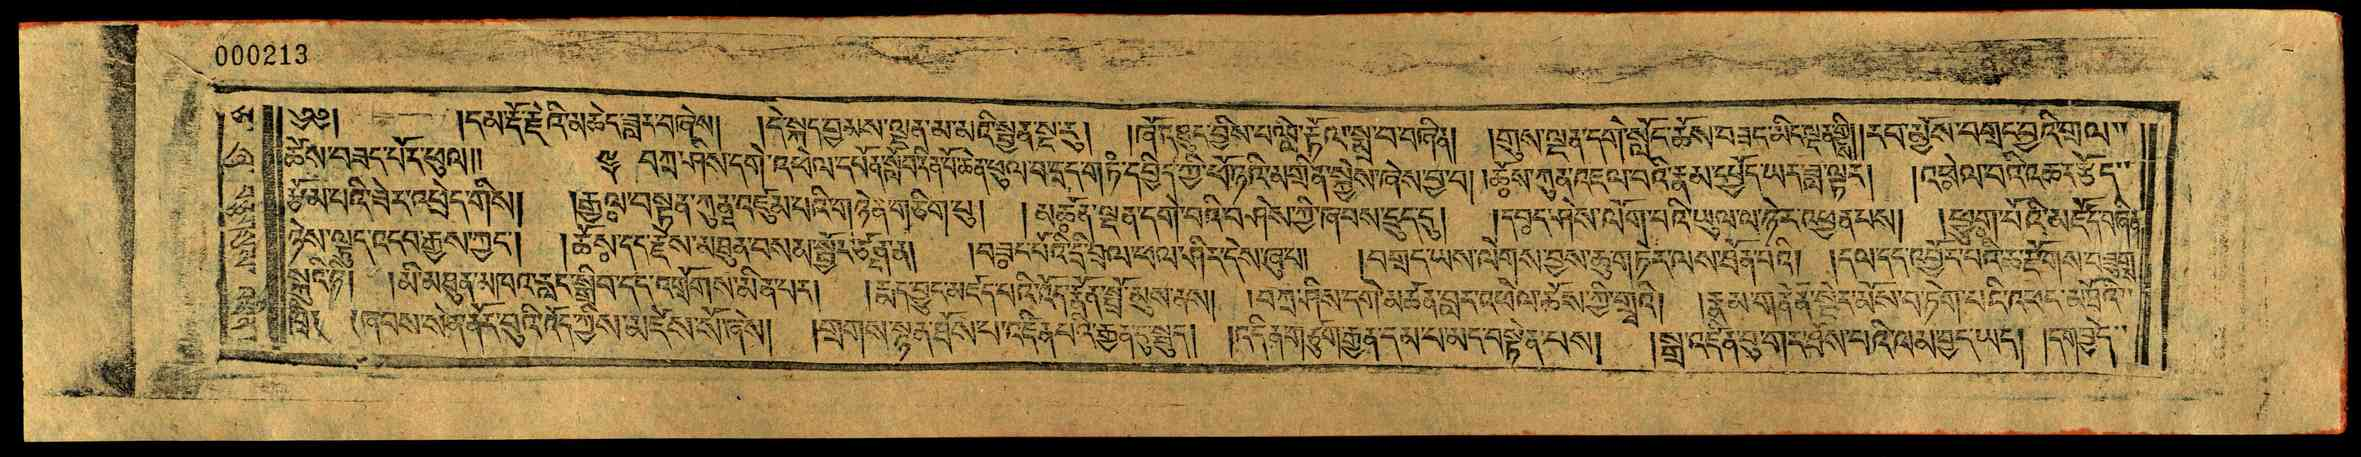༄༅། །དམ་རྡོ་རྗེའི་མཆེད་ཟླར་བ་ཞེས། །དེ་སྐད་བྱམས་ལྡན་མ་མའི་སྤྱན་སྔ་རུ། །ཞོ་འཐུད་བྱིས་པའི་བླ་རྟོལ་སྨྲ་བ་བཞིན། །གུས་ལྡན་དགེ་སློང་ཆོས་བཟང་མིང་ལྡན་གྱིས། །རབ་མྱོས་བགྲང་བྱའི་གྲལ་
ཚེས་བཟང་པོར་ཕུལ།། འ་བཀྲ་ཤིས་དགེ་འཕེལ་དཔོན་སློབ་རིན་པོ་ཆེར་ཕུལ་བ་དྲང་གཏཾ་དཔྱིད་ཀྱི་ཕོ་ཉའི་མགྲིན་སྐྱེས་ཞེས་བྱ་བ། ཆ྾ཨོས་ཀུན་འཇལ་བའི་རྣམ་དཔྱོད་ཡར་ཟླ་ལྟར། །འཕ྾ཨེལ་བའི་འཆད་རྩོད་
རྩོམ་པའི་ཟེར་འཕྲེང་གིས། །རྒྱལ྾་བསྟན་ཀུནྡ་འཛུམ་པའི་གཉེན་ན་གཅིག་པུ། །མཚན་ལྡན་དགེ་བའི་བཤེས་ཀྱི་ཞབས་དྲུང་དུ། །དབ྾ཨང་ཤེས་ལོག་པའི་ཡུལ་ལ་ཉེར་འཕྱན་པས། །ཕྱུག྾་པོའི་མཛོད་བཞིན་
ཉེས་ལྟུང་འདབ་རྒྱས་ཀྱང་། །ཆོས྾་དང་རྗེས་མཐུན་བསམ་སྦྱོང་ཙདྣ་ན། །བཟ྾ཨང་པོའི་དྲི་བྲལ་ཕལ་ཤིང་དེས་ཞུ་བ། །བགྲང་ཡས་ལེགས་བྱས་ཆུ་གཏེར་ལས་ཐོན་པའི། །དལ་དང་འབྱོར་པའི་ཆ་རྫོགས་གཟུགས་
སྐུའི་ཉི། །མི་མཐུན་མཁའ་རླང་སྒྲིབ་དང་འགྲོགས་མིན་པར། །རྨད་བྱུང་མཛད་པའི་འོད་རྣོན་སྤྲོ་མུས་ནས། །བཀྲ་ཤིས་དགེ་མཚན་བླར་འཕེལ་ཆོས་ཀྱི་གྲྭའི། །རྣམ་གནོན་སྡེར་མོས་བཏེག་པའི་འཕང་མཐོའི་
ཁྲི༑ ༑ཞབས་སེན་ནོར་བུའི་འོད་ཀྱིས་མཛེས་སོ་ཞེས། །གྲགས་སྙན་ཐོས་པ་འཛིན་པའི་རྒྱན་དུ་སྦུད། །འདི་ན་གཙུག་རྒྱན་དམ་པ་མང་བསྟེན་པས། །སྒྲ་འཛིན་བུ་གར་ཐོས་པའི་ལམ་བྱང་ཡང་། །དག་བྱེད་